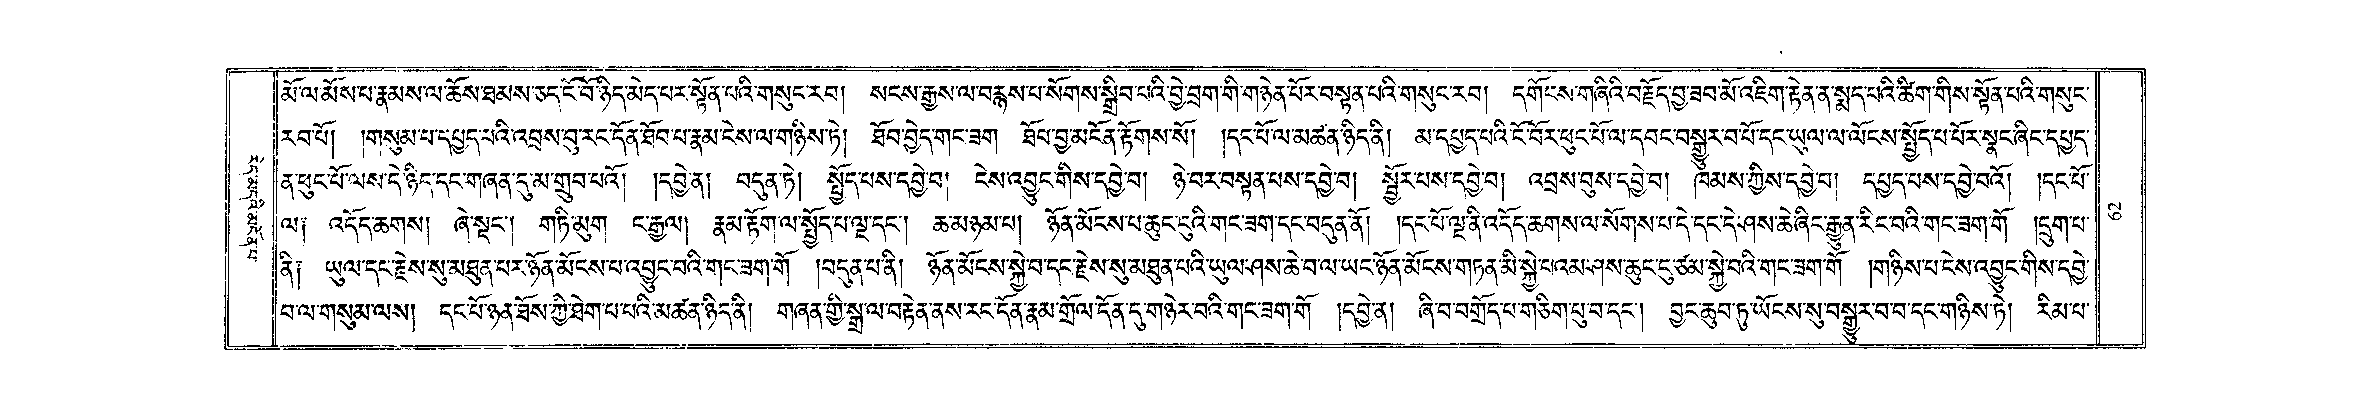མོ་ལ་མོས་པ་རྣམས་ལ་ཆོས་ཐམས་ཅད་ངོ་བོ་ཉིད་མེད་པར་སྟོན་པའི་གསུང་རབ། སངས་རྒྱས་ལ་བརྙས་པ་སོགས་སྒྲིབ་པའི་བྱེ་བྲག་གི་གཉེན་པོར་བསྟན་པའི་གསུང་རབ། དགོངས་གཞིའི་བརྗོད་བྱ་ཟབ་མོ་འཇིག་རྟེན་ན་སྨད་པའི་ཚིག་གིས་སྟོན་པའི་གསུང་
རབ་པོ། །གསུམ་པ་དཔྱད་པའི་འབྲས་བུ་རང་དོན་ཐོབ་པ་རྣམ་ངེས་ལ་གཉིས་ཏེ། ཐོབ་བྱེད་གང་ཟག་ཐོབ་བྱ་མངོན་རྟོགས་སོ། །དང་པོ་ལ་མཚན་ཉིད་ནི། མ་དཔྱད་པའི་ངོ་བོར་ཕུང་པོ་ལ་དབང་བསྒྱུར་བ་པོ་དང་ཡུལ་ལ་ལོངས་སྤྱོད་པ་པོར་སྣང་ཞིང་དཔྱད་
ན་ཕུང་པོ་ལས་དེ་ཉིད་དང་གཞན་དུ་མ་གྲུབ་པའོ། །དབྱེ་ན། བདུན་ཏེ། སྤྱོད་པས་དབྱེ་བ། ངེས་འབྱུང་གིས་དབྱེ་བ། ཉེ་བར་བསྟན་པས་དབྱེ་བ། སྦྱོར་པས་དབྱེ་བ། འབྲས་བུས་དབྱེ་བ། ཁམས་ཀྱིས་དབྱེ་བ། དཔྱད་པས་དབྱེ་བའོ། །དང་པོ་
ལ༑ འདོད་ཆགས། ཞེ་སྡང་། གཏི་མུག་ང་རྒྱལ། རྣམ་རྟོག་ལ་སྤྱོད་པ་ལྔ་དང་། ཆ་མཉམ་པ། ཉོན་མོངས་པ་ཆུང་ངུའི་གང་ཟག་དང་བདུན་ནོ། །དང་པོ་ལྔ་ནི་འདོད་ཆགས་ལ་སོགས་པ་དེ་དང་དེ་ཤས་ཆེ་ཞིང་རྒྱུན་རིང་བའི་གང་ཟག་གོ །དྲུག་པ་
ནི༑ ཡུལ་དང་རྗེས་སུ་མཐུན་པར་ཉོན་མོངས་པ་འབྱུང་བའི་གང་ཟག་གོ །བདུན་པ་ནི། ཉོན་མོངས་སྐྱེ་བ་དང་རྗེས་སུ་མཐུན་པའི་ཡུལ་ཤས་ཆེ་བ་ལ་ཡང་ཉོན་མོངས་གཏན་མི་སྐྱེ་པའམ་ཤས་ཆུང་ངུ་ཙམ་སྐྱེ་བའི་གང་ཟག་གོ །གཉིས་པ་ངེས་འབྱུང་གིས་དབྱེ་
བ་ལ་གསུམ་ལས། དང་པོ་ཉན་ཐོས་ཀྱི་ཐེག་པ་པའི་མཚན་ཉིད་ནི། གཞན་གྱི་སྒྲ་ལ་བརྟེན་ནས་རང་དོན་རྣམ་གྲོལ་དོན་དུ་གཉེར་བའི་གང་ཟག་གོ །དབྱེ་ན། ཞི་བ་བགྲོད་པ་གཅིག་པུ་བ་དང་། བྱང་ཆུབ་ཏུ་ཡོངས་སུ་བསྒྱུར་བ་བ་དང་གཉིས་ཏེ། རིམ་པ་